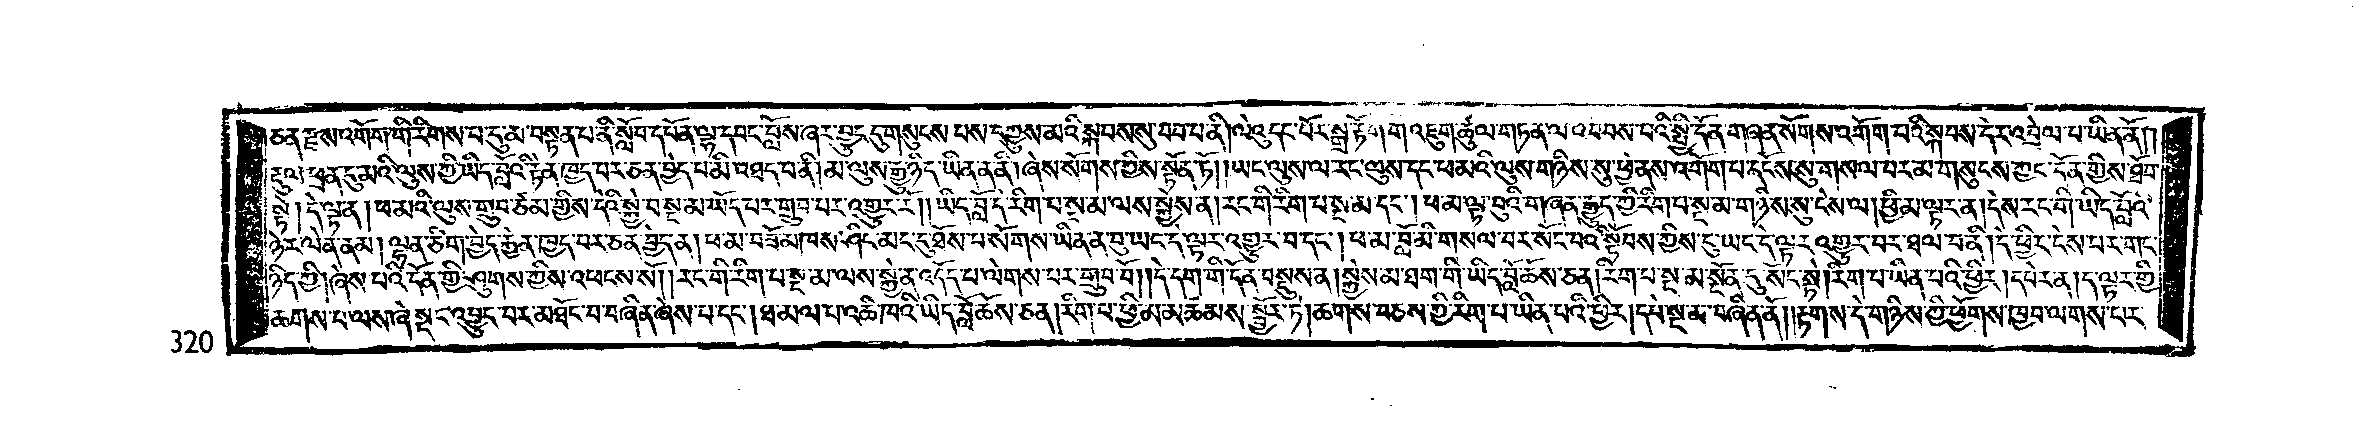ཅན་རྫས་འགོག་གི་རིགས་པ་དུ་མ་བསྟན་པ་ནི་སློབ་དཔོན་ལྷ་དབང་བློས་ཞར་བྱུང་དུ་གསུངས་པས་དཀྱུས་མའི་སྐབས་སུ་བབ་པ་ནི། ལེའུ་དང་པོར་སྒྲ་རྟོག་གི་འཇུག་ཚུལ་གཏན་ལ་འབེབས་པའི་སྤྱི་དོན་གཞན་སོགས་འགོག་པའི་སྐབས་དེར་འབྲེལ་པ་ཡིན་ནོ།།
རྡུལ་ཕྲན་དུ་མའི་ལུས་ཀྱི་ཡིད་བློའི་རྟེན་ཁྱད་པར་ཅན་བྱེད་པ་མི་འཐད་པ་ནི། མ་ལུས་རྒྱུ་ཉིད་ཡིན་ན་ནི། ཞེས་སོགས་ཀྱིས་སྟོན་ཏོ། །ཡང་ལུས་ལ་རང་ལུས་དང་ཕ་མའི་ལུས་གཉིས་སུ་ཕྱེ་ནས་འགོག་པ་དངོས་སུ་གསལ་བར་མ་གསུངས་ཀྱང་དོན་གྱིས་ཐོབ་
སྟེ། དེ་ལྟ་ན། ཕ་མའི་ལུས་གྲུབ་ཙམ་གྱིས་དེའི་སྐྱེ་བ་སྔ་མ་ཡོད་པར་གྲུབ་པར་འགྱུར་རོ། །ཡིད་བློ་དེ་རིག་པ་སྔ་མ་ལས་སྐྱེས་ན། རང་གི་རིག་པ་སྔ་མ་དང་། ཕ་མ་ལྟ་བུའི་གཞན་རྒྱུད་ཀྱི་རིག་པ་སྔ་མ་གཉིས་སུ་ངེས་ལ། ཕྱི་མ་ལྟར་ན། དེས་རང་གི་ཡིད་བློའི་
ཉེར་ལེན་ནམ། ལྷན་ཅིག་བྱེད་རྐྱེན་ཁྱད་པར་ཅན་བྱེད་ན། ཕ་མ་བཟོ་མཁས་ཤིང་མང་དུ་ཐོས་པ་སོགས་ཡིན་ན་བུ་ཡང་དེ་ལྟར་འགྱུར་བ་དང་། ཕ་མ་བློ་མི་གསལ་བར་སོང་བའི་སྟོབས་ཀྱིས་དུ་ཡང་དེ་ལྟར་འགྱུར་བར་ཐལ་བ་ནི། དེ་ཕྱིར་ངེས་པར་གང་
ཉིད་ཀྱི། ཞེས་པའི་དོན་གྱི་ཤུགས་ཀྱིས་འཕངས་སོ། །རང་གི་རིག་པ་སྔ་མ་ལས་སྐྱེ་ན་འདོད་པ་ལེགས་པར་གྲུབ་བོ། །དེ་དག་གི་དོན་བསྡུས་ན། སྐྱེས་མ་ཐག་གི་ཡིད་བློ་ཆོས་ཅན། རིག་པ་སྔ་མ་སྔོན་དུ་སོང་སྟེ། རིག་པ་ཡིན་པའི་ཕྱིར། དཔེར་ན། དེ་ལྟར་གྱི་
ཆགས་པ་ལས་ཞེ་སྡང་འབྱུང་བར་མཐོང་བ་བཞིན་ཞེས་པ་དང་། ཐ་མལ་པ་འཆི་ཁའི་ཡིད་བློ་ཆོས་ཅན། རིག་པ་ཕྱི་མ་མཚམས་སྦྱོར་ཏེ། ཆགས་བཅས་ཀྱི་རིག་པ་ཡིན་པའི་ཕྱིར། དཔེ་སྔ་མ་བཞིན་ནོ། །རྟགས་དེ་གཉིས་ཀྱི་ཕྱོགས་ཁྱབ་ལགས་པར་